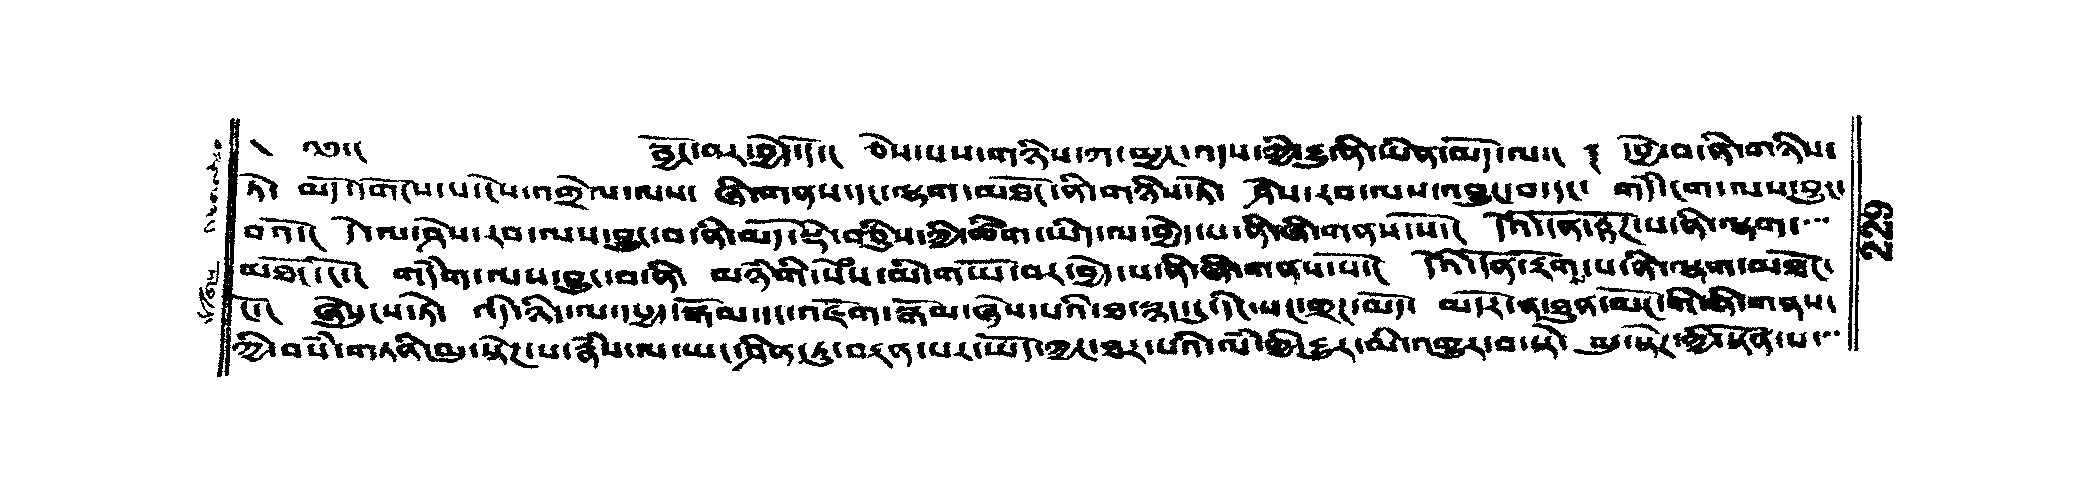སྦྱོང་བར་བྱེད་དོ། ཞེས་པས་གཉིས་ཀ་མྱང་འདས་ཀྱི་རྒྱུ་ནི་ཡིན་མོད་ལ། དབྱེ་བ་ནི་གཉིས་
ཏེ། མདོ་དགོངས་པ་ངེས་འགྲེལ་ལས། ཞི་གནས་དང་ལྷག་མཐོང་ནི་གཉིས་ཏེ། ཤེས་རབ་ལས་འབྱུང་བ་དང་། གདམས་ངག་ལས་བྱུང་
བའོ། དེ་ལ་ཤེས་རབ་ལས་བྱུང་བ་ནི་མདོ་སྡེ་བཅུ་གཉིས་ཀྱི་ཚིག་ཡིད་ལ་བྱེད་པ་ནི་ཞི་གནས་སོ། དེའི་དོན་རྟོགས་པ་ནི་ལྷག་
མཐོང་ངོ་། གདམ་ངག་ལས་བྱུང་བ་ནི། མཉམ་བཞག་གིས་སེམས་མི་གཡོ་བར་བྱེད་པ་ནི་ཞི་གནས་སོ། དེའི་དོན་རྟོགས་པ་ནི་ལྷག་མཐོང་
ངོ་། ཞེས་གསུངས་ཏེ། འདི་ཉིད་ལ་དཔྱད་སྒོམ་དང་འཇོག་སྒོམ་ཞེས་པའི་ཐ་སྙད་དུ་དིང་སང་གྲགས་མོད། མདོར་ན་ཐུན་མོང་གི་ཞི་གནས་
ཀྱི་བསམ་གཏན་ནི་མུ་སྟེགས་པ་རྣམས་ལ་ཡང་ཤིན་ཏུ་བརྟན་པར་ཡོད་ཀྱང་ཐར་པའི་ལམ་གྱི་རྒྱུར་མི་འགྱུར་བ་སྟེ། མུ་སྟེགས་ཀྱི་སྟོན་པ་